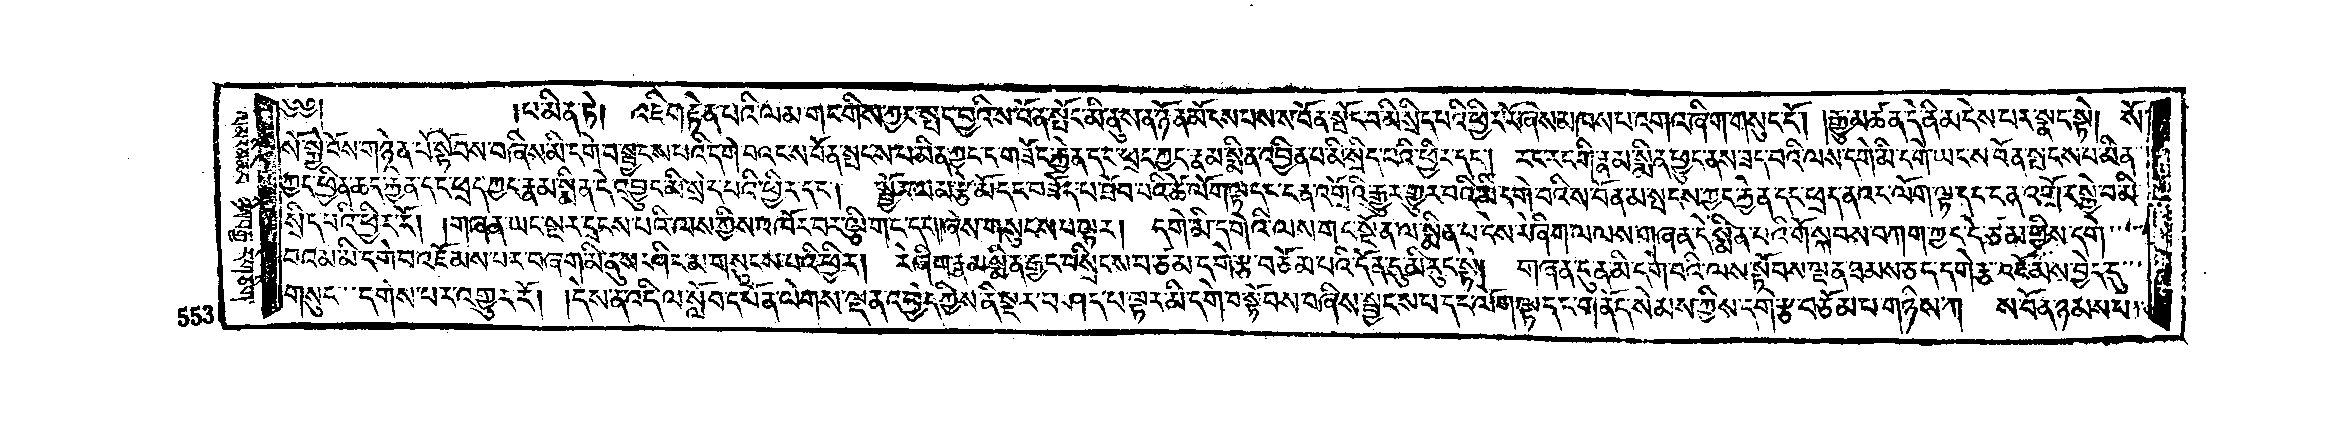༄༅། །པ་མིན་ཏེ། འཇིག་རྟེན་པའི་ལམ་གང་གིས་ཀྱང་སྤང་བྱའི་ས་བོན་སྤོང་མི་ནུས་ན་ཉོན་མོངས་པས་ས་བོན་སྤོང་བ་མི་སྲིད་པའི་ཕྱིར་རོ་ཞེས་མཁས་པ་འགའ་ཞིག་གསུང་ངོ། །རྒྱུ་མཚན་དེ་ནི་མ་ངེས་པར་སྣང་སྟེ། སོ་
སོ་སྐྱེ་བོས་གཉེན་པོ་སྟོབས་བཞིས་མི་དགེ་བ་སྦྱངས་པའི་དག་པའང་ས་བོན་སྤངས་པ་མིན་ཀྱང་ད་གཟོད་རྐྱེན་དང་ཕྲད་ཀྱང་རྣམ་སྨིན་འབྱིན་པ་མི་སྲིད་པའི་ཕྱིར་དང་། རང་རང་གི་རྣམ་སྨིན་ཕྱུང་ནས་ཟད་པའི་ལས་དགེ་མི་དགེ་ཡང་ས་བོན་སྤངས་པ་མིན་
ཀྱང་ཕྱིན་ཆད་རྐྱེན་དང་ཕྲད་ཀྱང་རྣམ་སྨིན་དེ་འབྱུང་མི་སྲིད་པའི་ཕྱིར་དང་། སྦྱོར་ལམ་རྩེ་མོ་དང་བཟོད་པ་ཐོབ་པའི་ཚེ་ལོག་ལྟ་དང་ངན་འགྲོའི་རྒྱུར་གྱུར་པའི་མི་དགེ་བའི་ས་བོན་མ་སྤངས་ཀྱང་རྐྱེན་དང་ཕྲད་ནའང་ལོག་ལྟ་དང་ངན་འགྲོར་སྐྱེ་བ་མི་
སྲིད་པའི་ཕྱིར་རོ། །གཞན་ཡང་སྔར་དྲངས་པའི་ལས་ཀྱིས་འཁོར་བར་ལྕི་གང་དང་། ཞེས་གསུངས་པ་ལྟར། དགེ་མི་དགེའི་ལས་གང་སྔོན་ལ་སྨིན་པ་དེས་རེ་ཞིག་ལ་ལས་གཞན་དེ་སྨིན་པའི་གོ་སྐབས་བཀག་ཀྱང་དེ་ཙམ་གྱིས་དགེ་
བའམ་མི་དགེ་བ་འཇོམས་པར་བཞག་མི་ནུས་ཤིང་མ་གསུངས་པའི་ཕྱིར། རེ་ཞིག་རྣམ་སྨིན་རྒྱང་བསྲིངས་པ་ཙམ་དགེ་རྩ་བཅོམ་པའི་དོན་དུ་མི་རུང་སྟེ། གཞན་དུ་ན་མི་དགེ་བའི་ལས་སྟོབས་ལྡན་ཐམས་ཅད་དགེ་རྩ་འཇོམས་བྱེད་དུ་
གསུང་དགོས་པར་འགྱུར་རོ། །དེས་ན་འདི་ལ་སློབ་དཔོན་ལེགས་ལྡན་འབྱེད་ཀྱིས་ནི་སྔར་བཤད་པ་ལྟར་མི་དགེ་བ་སྟོབས་བཞིས་སྦྱངས་པ་དང་ལོག་ལྟ་དང་གནོད་སེམས་ཀྱིས་དགེ་རྩ་བཅོམ་པ་གཉིས་ཀ །ས་བོན་ཉམས་པ་